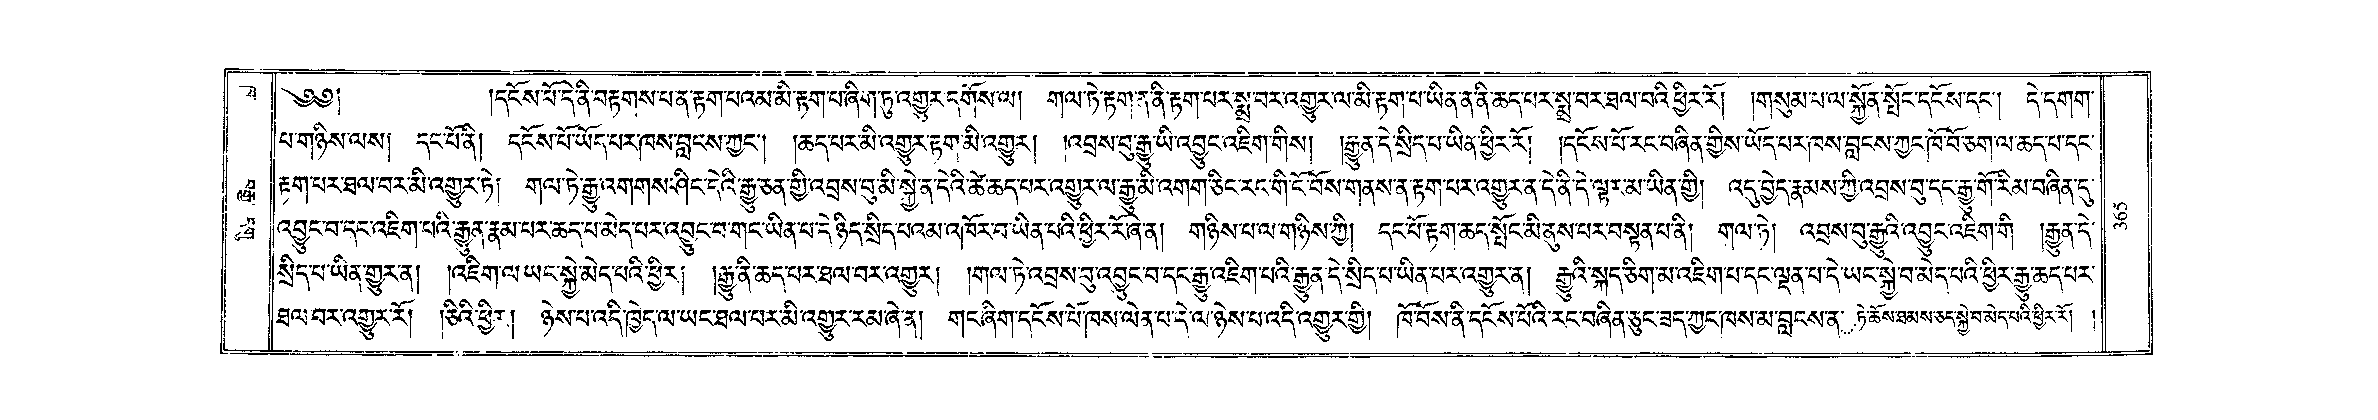༄༅། །དངོས་པོ་དེ་ནི་བརྟགས་པ་ན་རྟག་པའམ་མི་རྟག་པ་ཞིག་ཏུ་འགྱུར་དགོས་ལ། གལ་ཏེ་རྟག་ན་ནི་རྟག་པར་སྨྲ་བར་འགྱུར་ལ་མི་རྟག་པ་ཡིན་ན་ནི་ཆད་པར་སྨྲ་བར་ཐལ་བའི་ཕྱིར་རོ། །གསུམ་པ་ལ་སྐྱོན་སྤོང་དངོས་དང་། དེ་དགག་
པ་གཉིས་ལས། དང་པོ་ནི། དངོས་པོ་ཡོད་པར་ཁས་བླངས་ཀྱང་། །ཆད་པར་མི་འགྱུར་རྟག་མི་འགྱུར། །འབྲས་བུ་རྒྱུ་ཡི་འབྱུང་འཇིག་གིས། །རྒྱུན་དེ་སྲིད་པ་ཡིན་ཕྱིར་རོ། །དངོས་པོ་རང་བཞིན་གྱིས་ཡོད་པར་ཁས་བླངས་ཀྱང་ཁོ་བོ་ཅག་ལ་ཆད་པ་དང་
རྟག་པར་ཐལ་བར་མི་འགྱུར་ཏེ། གལ་ཏེ་རྒྱུ་འགགས་ཤིང་དེའི་རྒྱུ་ཅན་གྱི་འབྲས་བུ་མི་སྐྱེ་ན་དེའི་ཚེ་ཆད་པར་འགྱུར་ལ་རྒྱུ་མི་འགག་ཅིང་རང་གི་ངོ་བོས་གནས་ན་རྟག་པར་འགྱུར་ན་དེ་ནི་དེ་ལྟར་མ་ཡིན་གྱི། འདུ་བྱེད་རྣམས་ཀྱི་འབྲས་བུ་དང་རྒྱུ་གོ་རིམ་བཞིན་དུ་
འབྱུང་བ་དང་འཇིག་པའི་རྒྱུན་རྣམ་པར་ཆད་པ་མེད་པར་འབྱུང་བ་གང་ཡིན་པ་དེ་ཉིད་སྲིད་པའམ་འཁོར་བ་ཡིན་པའི་ཕྱིར་རོ་ཞེ་ན། གཉིས་པ་ལ་གཉིས་ཀྱི། དང་པོ་རྟག་ཆད་སྤོང་མི་ནུས་པར་བསྟན་པ་ནི། གལ་ཏེ། འབྲས་བུ་རྒྱུའི་འབྱུང་འཇིག་གི །རྒྱུན་དེ་
སྲིད་པ་ཡིན་གྱུར་ན། །འཇིག་ལ་ཡང་སྐྱེ་མེད་པའི་ཕྱིར། །རྒྱུ་ནི་ཆད་པར་ཐལ་བར་འགྱུར། །གལ་ཏེ་འབྲས་བུ་འབྱུང་བ་དང་རྒྱུ་འཇིག་པའི་རྒྱུན་དེ་སྲིད་པ་ཡིན་པར་འགྱུར་ན། རྒྱུའི་སྐད་ཅིག་མ་འཇིག་པ་དང་ལྡན་པ་དེ་ཡང་སྐྱེ་བ་མེད་པའི་ཕྱིར་རྒྱུ་ཆད་པར་
ཐལ་བར་འགྱུར་རོ། །ཅིའི་ཕྱིར། ཉེས་པ་འདི་ཁྱེད་ལ་ཡང་ཐལ་བར་མི་འགྱུར་རམ་ཞེ་ན། གང་ཞིག་དངོས་པོ་ཁས་ལེན་པ་དེ་ལ་ཉེས་པ་འདི་འགྱུར་གྱི། ཁོ་བོས་ནི་དངོས་པོའི་རང་བཞིན་ཅུང་ཟད་ཀྱང་ཁས་མ་བླངས་ན་ཏེ་ཆོས་ཐམས་ཅད་སྐྱེ་བ་མེད་པའི་ཕྱིར་རོ། །